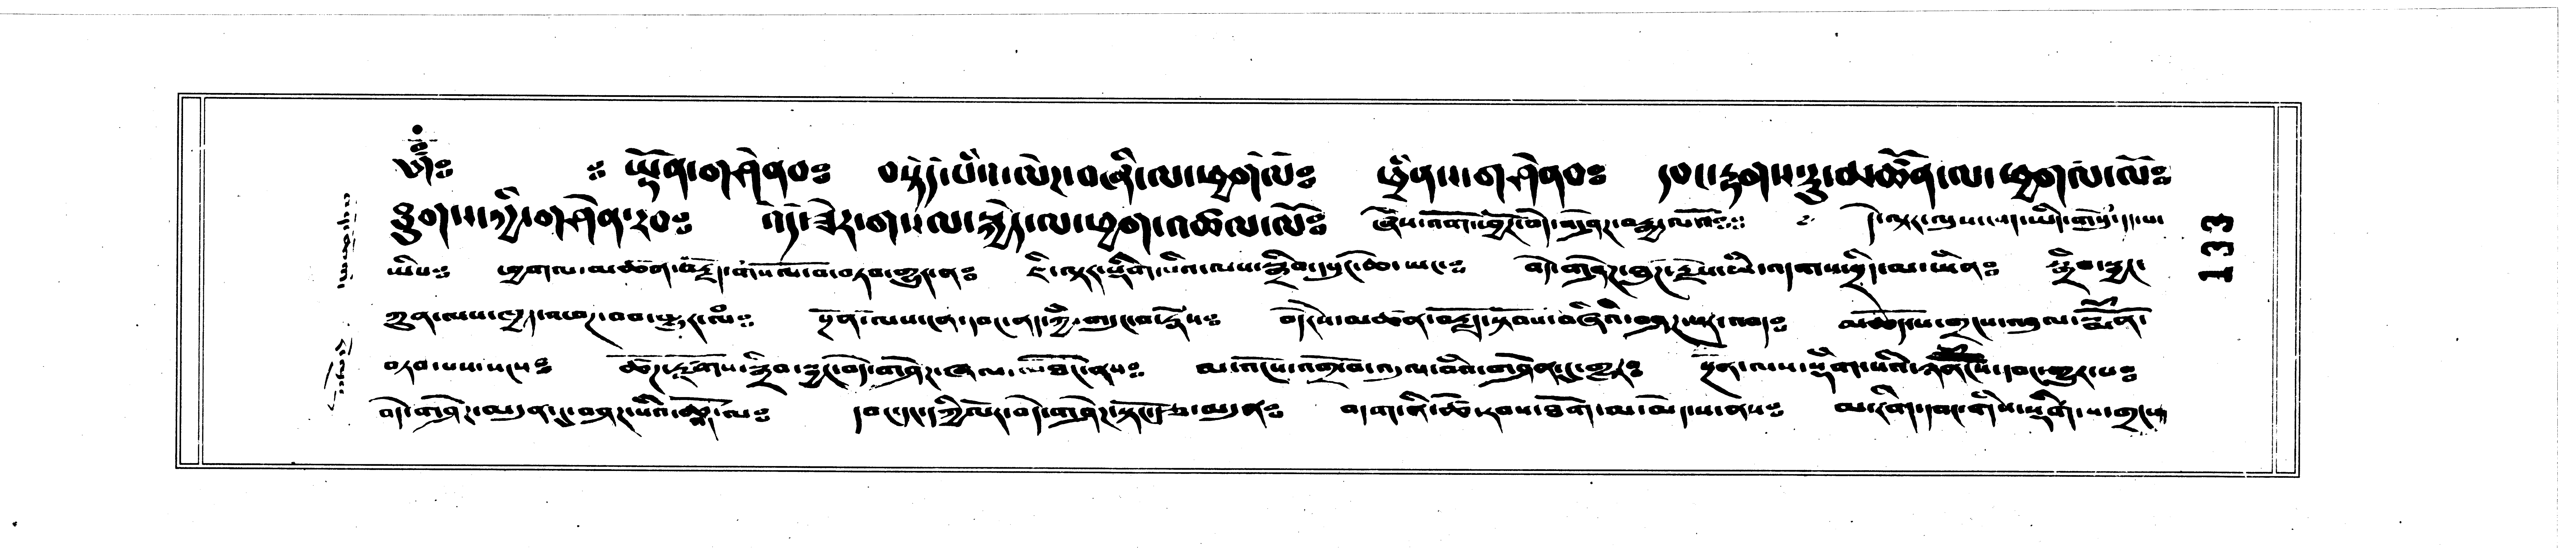ཡོན་ཏན་གྱི་གཤེན་རབཿ བསྟོད་པའི་ལེགས་བཞི་ལ་ཕྱག་འཚལ་ལོཿ ཕྲིན་ལས་ཀྱི་གཤེན་རབཿ དང་རྟགས་རུ་མཚོན་ལ་ཕྱག་འཚལ་ལོཿ 
ཐུགས་ཀྱི་གཤེན་རབཿ འོད་ཟེར་གསལ་བསྐྱེད་ལ་ཕྱག་འཚལ་ལོཿ ཞེས་འོག་ཕྱོགས་བདེར་གཤེགས་བརྒྱ་ལའོཿ དེ་ལྟར་ལུས་ངག་ཡིད་གསུམ་དད་པ་
ཡིསཿ ཕྱག་འཚལ་མཚན་བརྗོད་གསོལ་བ་བཏབ་གྱུར་ནཿ ཇི་ལྟར་སྡིག་པའི་ལས་སྒྲིབ་དཔུང་ཆེ་ཡངཿ བདེར་གཤེགས་ཐུགས་རྗེས་མི་འདག་སྲིད་མ་ཡིནཿ སྒྲིབ་སྦྱང་
ཀུན་ལས་ཁྱད་འཕགས་ཟབ་མྱུར་ལམཿ སྔོན་ལས་ངན་དབང་ནད་ཀྱིས་གདུང་བ་རྣམསཿ བདེར་གཤེགས་མཚན་བརྗོད་སྟོབས་བཞིས་བཤགས་པར་འབདཿ མཆོད་པ་གྲངས་འབུལ་སྨོན་ལམ་
བཏབ་པས་སངསཿ ཚོགས་རྫོགས་སྒྲིབ་སྦྱངས་བདེར་གཤེགས་ཞལ་མཐོང་ནསཿ མ་འོངས་འགྲོ་བ་འདུལ་བའི་གཤེན་དུ་འགྱུརཿ སྔོན་ལས་སྡིག་པའི་ཉོན་མོངས་དབང་གྱུར་པཿ 
བདེར་གཤེགས་མདུན་དུ་བཤགས་པའི་ཆོ་ག་ལཿ དབང་དང་དཀྱིལ་འཁོར་བདེར་གཤེགས་སྟོང་རྩ་མདུནཿ བདག་གི་ཚེ་རབས་ཐོག་མ་མེད་པ་ནསཿ མ་རིག་དབང་གིས་སྡིག་པ་གྲངས་